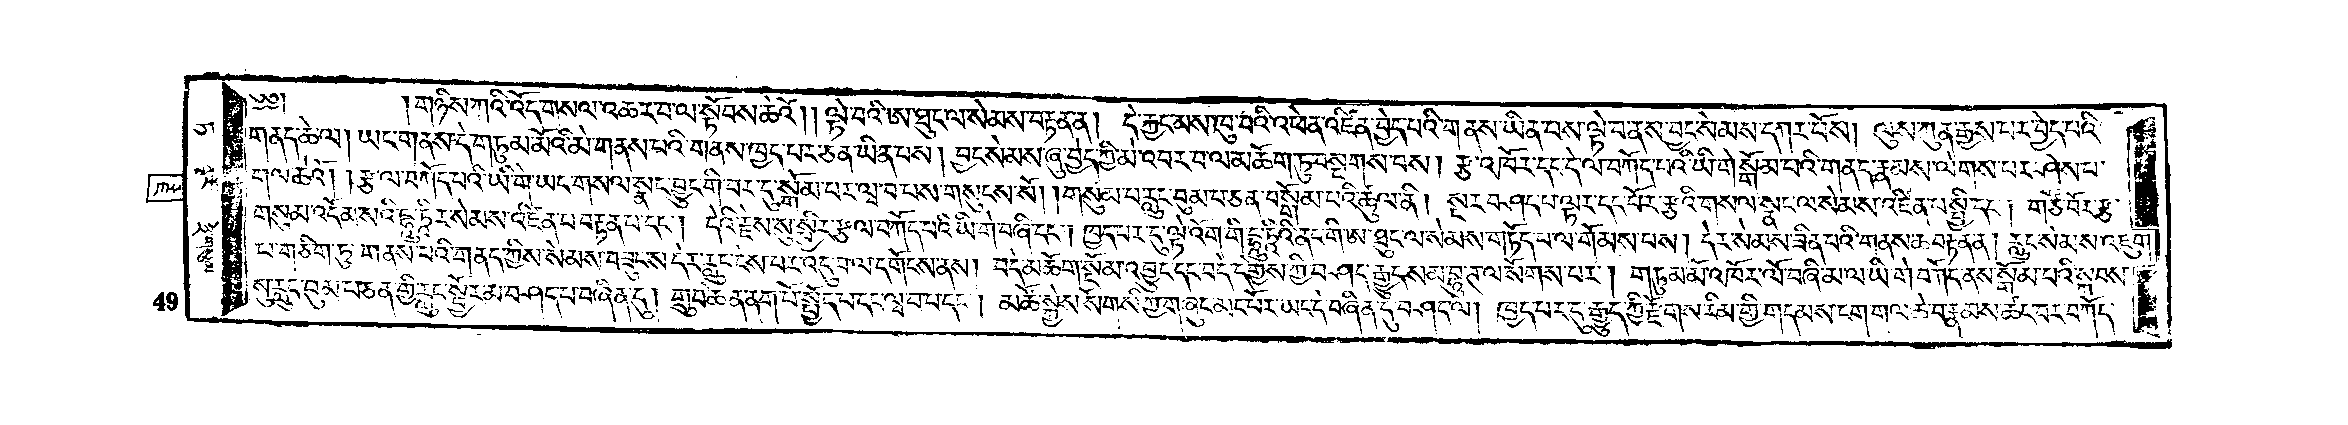༄༅། །གཉིས་ཀའི་འོད་གསལ་འཆར་བ་ལ་སྟོབས་ཆེའོ། །ལྟེ་བའི་ཨ་ཐུང་ལ་སེམས་བརྟན་ན། དེ་རྐྱང་མས་ཁུ་བའི་འཕེན་འཛིན་བྱེད་པའི་གནས་ཡིན་པས་ལྟེ་བ་ནས་བྱང་སེམས་དཀར་པོས། ལུས་ཀུན་རྒྱས་པར་བྱེད་པའི་
གནད་ཆེ་ལ། ཡང་གནས་དེ་གཏུམ་མོའི་མེ་གནས་པའི་གནས་ཁྱད་པར་ཅན་ཡིན་པས། བྱང་སེམས་ཞུ་བྱེད་ཀྱི་མེ་འབར་བ་ལ་མཆོག་ཏུ་བསྔགས་པས། རྩ་འཁོར་དང་དེ་ལ་བཀོད་པའི་ཡི་གེ་སྒོམ་པའི་གནད་རྣམས་ལེགས་པར་ཤེས་པ་
གལ་ཆེའོ། །རྩ་ལ་བཀོད་པའི་ཡི་གེ་ཡང་གསལ་སྣང་བྱུང་གི་བར་དུ་སྒོམ་པར་ལྭ་བ་པས་གསུངས་སོ། །གསུམ་པ་རླུང་བུམ་པ་ཅན་བསྒོམ་པའི་ཚུལ་ནི། སྔར་བཤད་པ་ལྟར་དང་པོར་རྩའི་གསལ་སྣང་ལ་སེམས་འཛིན་པ་སྤྱི་དང་། གཙོ་བོར་རྩ་
གསུམ་འདོམས་སའི་དྷཱུ་ཏཱིར་སེམས་འཛིན་པ་བརྟན་པ་དང་། དེའི་རྗེས་སུ་སྤྱིར་རྩལ་བཀོད་པའི་ཡི་གེ་བཞི་དང་། ཁྱད་པར་དུ་ལྟེ་འོག་གི་དྷཱུ་ཏཱིའི་ནང་གི་ཨ་ཐུང་ལ་སེམས་གཏོད་པ་ལ་གོམས་པས། དེར་སེམས་ཟིན་པའི་གནས་ཆ་བརྟན་ན། རླུང་སེམས་འཇུག་
པ་གཅིག་ཏུ་གནས་པའི་གནད་ཀྱིས་སེམས་བཟུང་ས་དེར་རླུང་ངེས་པར་འདུ་བ་ལ་དགོངས་ནས། བདེ་མཆོག་སྡོམ་འབྱུང་དང་བདེ་དགྱེས་ཀྱི་བཤད་རྒྱུད་སམ་བྷུ་ཊ་ལ་སོགས་པར། གཏུམ་མོ་འཁོར་ལོ་བཞི་མ་ལ་ཡི་གེ་བཀོད་ནས་སྒོམ་པའི་སྐབས་
སུ་རླུང་བུམ་པ་ཅན་གྱི་རླུང་སྦྱོར་མ་བཤད་པ་བཞིན་དུ། གྲུབ་ཆེན་ནག་པོ་སྤྱོད་པ་དང་ལྭ་བ་པ་དང་། མཚོ་སྐྱེས་སོགས་ཀྱི་གཞུང་མང་པོར་ཡང་དེ་བཞིན་དུ་བཤད་ལ། ཁྱད་པར་དུ་རྒྱུད་ཀྱི་རྫོགས་རིམ་གྱི་གདམས་ངག་གལ་ཆེ་བ་རྣམས་ཚང་བར་བཀོད་